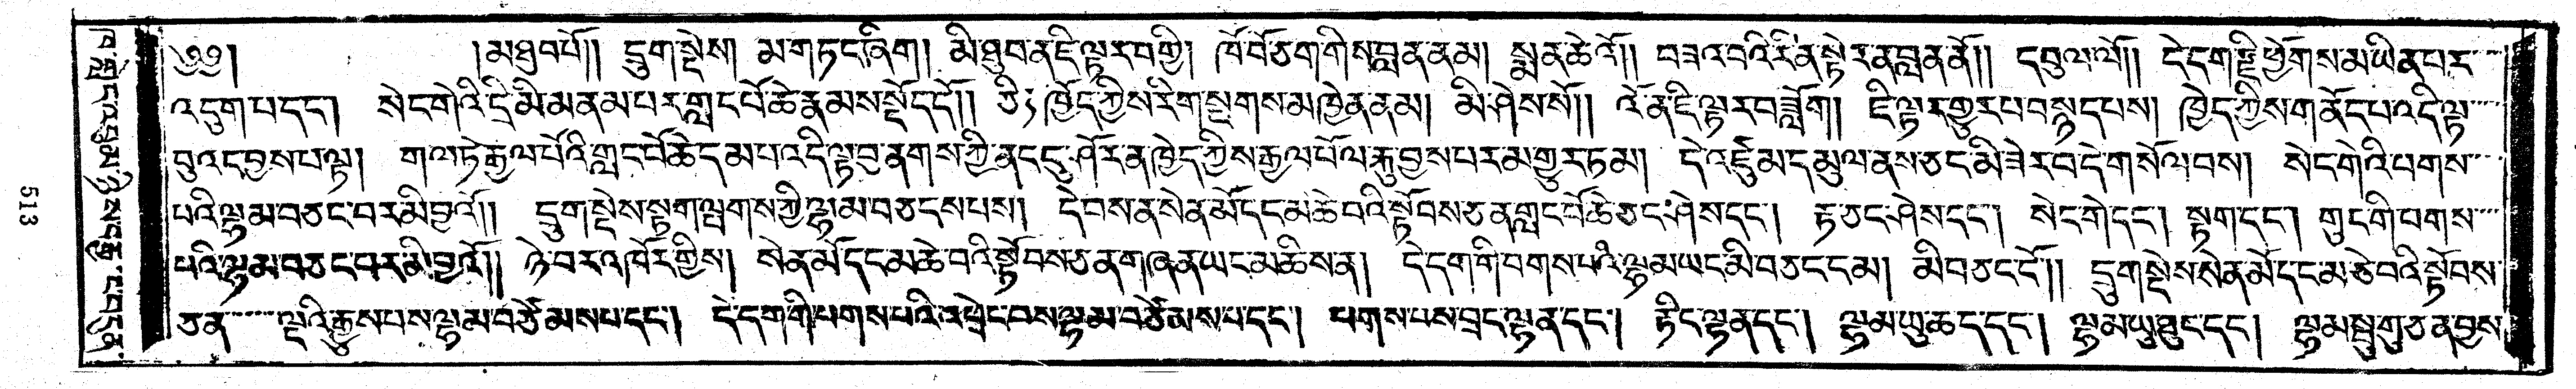༄༅། །མཐུབ་བོ།། དྲུག་སྡེས། མ་གཏང་ཞིག། མི་ཐུབ་ན་ཇི་ལྟར་བགྱི། ཁོ་བོ་ཅག་གིས་བླ་ན་ནམ། སྨན་ཆེའོ།། བཟའ་བའི་རིན་སྟེར་ན་བླན་ནོ།། དབུལ་ལོ།། དེ་དག་རྫི་ཕྱོགས་མ་ཡིན་པར་
འདུག་པ་དང་། སེང་གེའི་དྲི་མི་མནམ་པར་གླང་པོ་ཆེ་རྣམས་སྡོད་དོ།། ཅི༑ ཁྱོད་ཀྱིས་རིག་སྔགས་མཁྱེན་ནམ། མི་ཤེས་སོ།། འོ་ན་ཇི་ལྟར་བཟློག། ཇི་ལྟར་གྱུར་པ་བསྙད་པས། ཁྱེད་ཀྱིས་གནོད་པ་འདི་ལྟ་
བུའང་བྱས་པ་ལྟ། གལ་ཏེ་རྒྱལ་པོའི་གླང་པོ་ཆེ་དམ་པ་འདི་ལྟ་བུ་ནགས་ཀྱི་ནང་དུ་ཤོར་ན་ཁྱེད་ཀྱིས་རྒྱལ་པོ་ལ་རྐུ་བྱས་པར་མ་གྱུར་ཏམ། དེ་འཛུམ་དམུལ་ནས་ཅང་མི་ཟེར་བ་དེ་གསོལ་བས། སེང་གེའི་པགས་
པའི་ལྷམ་བཅང་བར་མི་བྱའོ།། དྲུག་སྡེས་སྟག་ལྤགས་ཀྱི་ལྷམ་བཅངས་པས། དེ་བས་ན་སེན་མོ་དང་མཆེ་བའི་སྟོབས་ཅན་གླང་པོ་ཆེ་ཅང་ཤེས་དང་། རྟ་ཅང་ཤེས་དང་། སེང་གེ་དང་། སྟག་དང་། གུང་གི་པགས་
པའི་ལྷམ་བཅང་བར་མི་བྱའོ།། ཉེ་བར་འཁོར་གྱིས། སེན་མོ་དང་མཆེ་བའི་སྟོབས་ཅན་གཞན་ཡང་མཆིས་ན། དེ་དག་གི་བགས་པའི་ལྷམ་ཡང་མི་བཅང་ངམ། མི་བཅང་ངོ།། དྲུག་སྡེས་སེན་མོ་དང་མ་ཅེ་བའི་སྟོབས་
ཅན་ལྔའི་རྒྱུས་པས་ལྷམ་བཙེམས་པ་དང་། དེ་དག་གི་པགས་པའི་འཕྲེང་བས་ལྷམ་བཙེམས་པ་དང་། པགས་པས་བྲང་ལྷན་དང་། རྟིང་ལྷན་དང་། ལྷམ་ཡུ་ཆད་དང་། ལྷམ་ཡུ་ཐུང་དང་། ལྷམ་སྦུ་གུ་ཅན་བྱས་